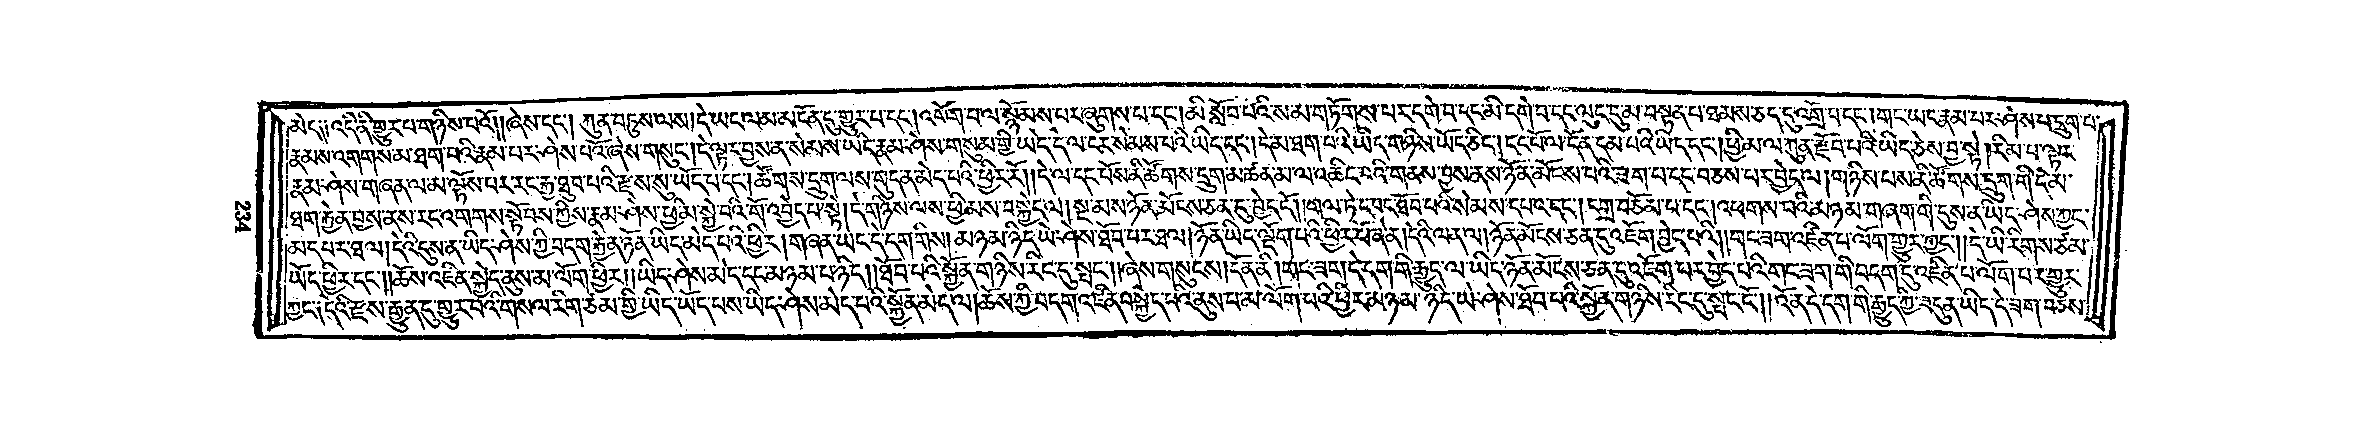མེད། །འདི་ནི་གྱུར་པ་གཉིས་པའོ། །ཞེས་དང་། ཀུན་བཏུས་ལས། དེ་ཡང་ལམ་མངོན་དུ་གྱུར་པ་དང་། འགོག་པ་ལ་སྙོམས་པར་ཞུགས་པ་དང་། མི་སློབ་པའི་ས་མ་གཏོགས་པར་དགེ་བ་དང་མི་དགེ་བ་དང་ལུང་དུ་མ་བསྟན་པ་ཐམས་ཅད་དུ་འགྲོ་བ་དང་། གང་ཡང་རྣམ་པར་ཤེས་པ་དྲུག་པ་
རྣམས་འགགས་མ་ཐག་པའི་རྣམ་པར་ཤེས་པའོ་ཞེས་གསུང་། དེ་ལྟར་བྱས་ན་སེམས་ཡིད་རྣམ་ཤེས་གསུམ་གྱི་ཡེད་དེ་ལ་ངར་སེམས་པའི་ཡིད་དང་། དེ་མ་ཐག་པའི་ཡིད་གཉིས་ཡོད་ཅིང་། དང་པོ་ལ་དོན་དམ་པའི་ཡིད་དང་། ཕྱི་མ་ལ་ཀུན་རྫོབ་པའི་ཡིད་ཅེས་བྱ་སྟེ། རིམ་པ་ལྟར་
རྣམ་ཤེས་གཞན་ལ་མ་ལྟོས་པར་རང་རྐྱ་ཐུབ་པའི་རྫས་སུ་ཡོད་པ་དང་། ཚོགས་དྲུག་ལས་གུད་ན་མེད་པའི་ཕྱིར་རོ། །དེ་ལ་དང་པོས་ནི་ཚོགས་དྲུག་མཚན་མ་ལ་འཆིང་བའི་གནས་བྱས་ནས་ཉོན་མོངས་པའི་ཟག་པ་དང་བཅས་པར་བྱེད་ལ། གཉིས་པས་ནི་ཚོགས་དྲུག་གི་དེ་མ་
ཐག་རྐྱེན་བྱས་ནས་རང་འགགས་སྟོབས་ཀྱིས་རྣམ་ཤེས་ཕྱི་མ་སྐྱེ་བའི་གོ་འབྱེད་པ་སྟེ། དེ་གཉིས་ལས་ཕྱི་མས་བསྐྱེད་ལ། སྔ་མས་ཉོན་མོངས་ཅན་དུ་བྱེད་དོ། །གལ་ཏེ་དབང་ཐོབ་པའི་སེམས་དཔའ་དང་། དགྲ་བཅོམ་པ་དང་། འཕགས་པའི་མཉམ་གཞག་གི་དུས་ན་ཡིད་ཤེས་ཀྱང་
མེད་པར་ཐལ། དེའི་དུས་ན་ཡིད་ཤེས་ཀྱི་བདག་རྐྱེན་ཉོན་ཡིད་མེད་པའི་ཕྱིར། གཞན་ཡང་དེ་དག་གིས། མཉམ་ཉིད་ཡེ་ཤེས་ཐོབ་པར་ཐལ། ཉོན་ཡིད་ལྡོག་པའི་ཕྱིར་པོ་ཞེ་ན། དེའི་ལན་ལ། ཉོན་མོངས་ཅན་དུ་འཇོག་བྱེད་པའི། །གང་ཟག་འཛིན་པ་ལོག་གྱུར་ཀྱང་། །དེ་ཡི་རིགས་ཙམ་
ཡོད་ཕྱིར་དང་། །ཆོས་འཛིན་སྐྱེད་ནུས་མ་ལོག་ཕྱིར། །ཡིད་ཤེས་མེད་དང་མཉམ་པ་ཉིད། །ཐོབ་པའི་སྐྱོན་གཉིས་རིང་དུ་སྤང་། །ཞེས་གསུངས། དོན་ནི། གང་ཟག་དེ་དག་གི་རྒྱུད་ལ་ཡིད་ཉོན་མོངས་ཅན་དུ་འཇོག་པར་བྱེད་པའི་གང་ཟག་གི་བདག་དུ་འཛིན་པ་ལོག་པར་གྱུར་
ཀྱང་། དེའི་རྫས་རྒྱུན་དུ་གྱུར་བའི་གསལ་རིག་ཙམ་གྱི་ཡིད་ཡོད་པས་ཡིད་ཤེས་མེད་པའི་སྐྱོན་མེད་ལ། ཆོས་ཀྱི་བདག་འཛིན་བསྐྱེད་པའི་ནུས་པ་མ་ལོག་པའི་ཕྱིར་མཉམ་ཉིད་ཡེ་ཤེས་ཐོབ་པའི་སྐྱོན་གཉིས་རིང་དུ་སྤང་ངོ། །འོ་ན་དེ་དག་གི་རྒྱུད་ཀྱི་བདུན་ཡིད་དེ་ཟག་བཅས་